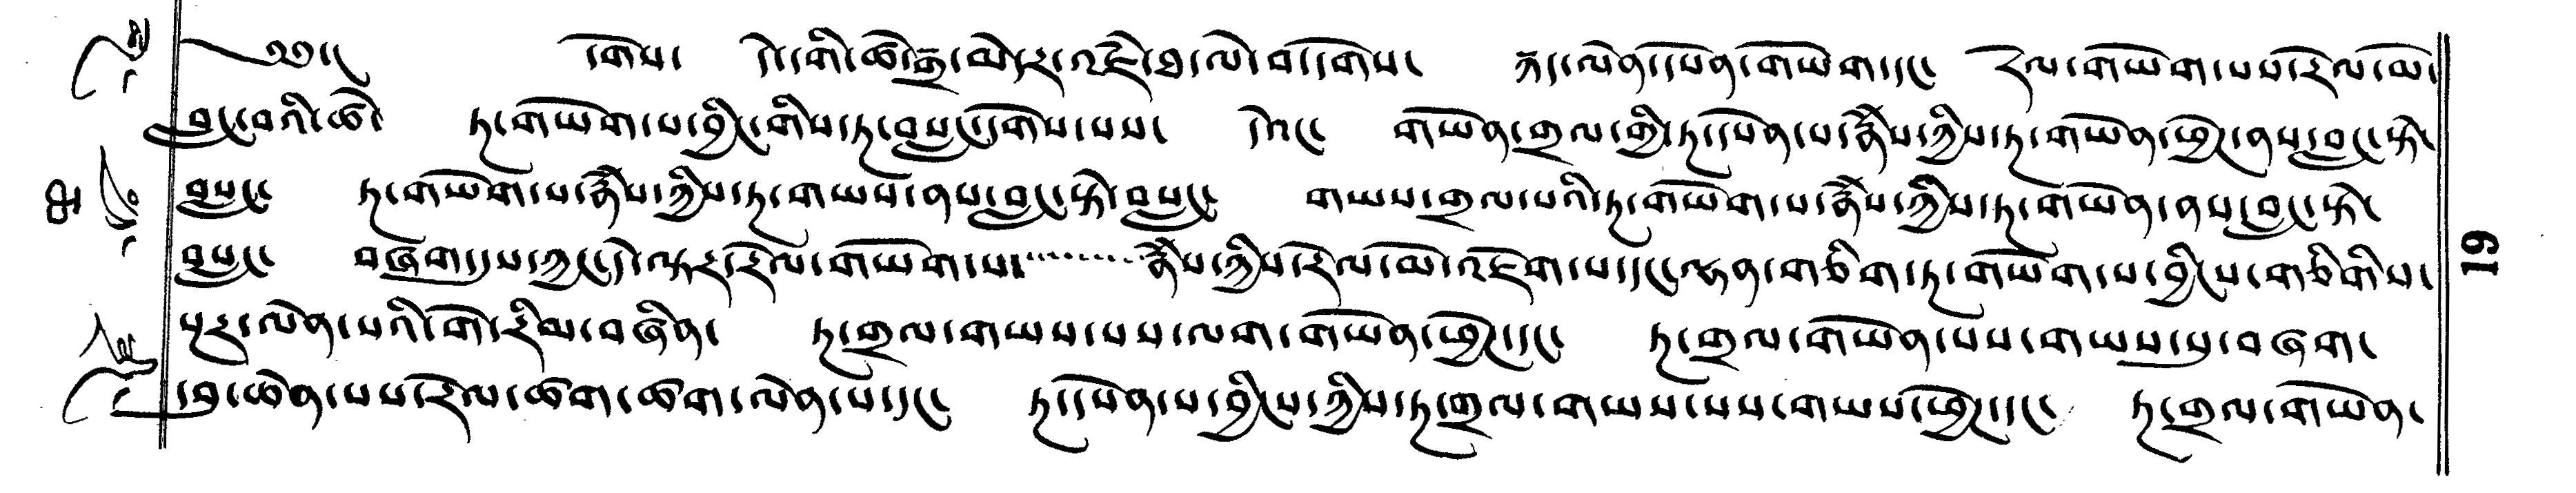དགོས། དེ་དག་གི་ཚེ་སྒྲ་མེད་པར་འཇམ་ཐ་ལེ་བ་དགོས། སྐད་ལེན་དཔོན་གཡོག་དང་། རོལ་གཡོག་པས་རོལ་མོ་
ལེན་པའི་ཚེ། རྔ་གཡོག་པ་བྱིང་གིས་རྔ་བསླང་དགོས་པས། དེའང་གཡོན་གྲལ་གྱི་རྔ་དཔོན་པ་རྣམས་ཀྱིས་རྔ་གཡོན་ཕྱོགས་ནས་བླངས་སྟེ་
བསླང་། རྔ་གཡོག་པ་རྣམ་ཀྱིས་རྔ་གཡས་ནས་བླང་སྟེ་བསླང་། གཡས་གྲལ་པའི་རྔ་གཡོག་པ་རྣམས་ཀྱིས་རྔ་གཡོན་ནས་བླང་སྟེ་ 
བསླང་། བཞག་དུས་ཀྱང་དེ་ལྟར་ཏེ། རོལ་གཡོག་པ་རྣམས་ཀྱིས་རོལ་མོ་འཇོག་པ་དང་ལྷན་གཅིག་རྔ་གཡོག་པ་བྱིངས་གཅིག་གིས་
སྔར་ལེན་པའི་གོ་རིམ་བཞིན། རྔ་གྲལ་གཡས་པས་ལག་གཡོན་ཕྱོགས་དང་། རྔ་གྲལ་གཡོན་པས་གཡས་སུ་བཞག 
དབུ་ཆེན་པས་རོལ་ཚག་ལེན་པ་དང་། རྔ་དཔོན་པ་བྱིངས་ཀྱིས་རྔ་གྲལ་གཡས་པས་གཡས་ཕྱོགས་དང་། རྔ་གྲལ་གཡོན་